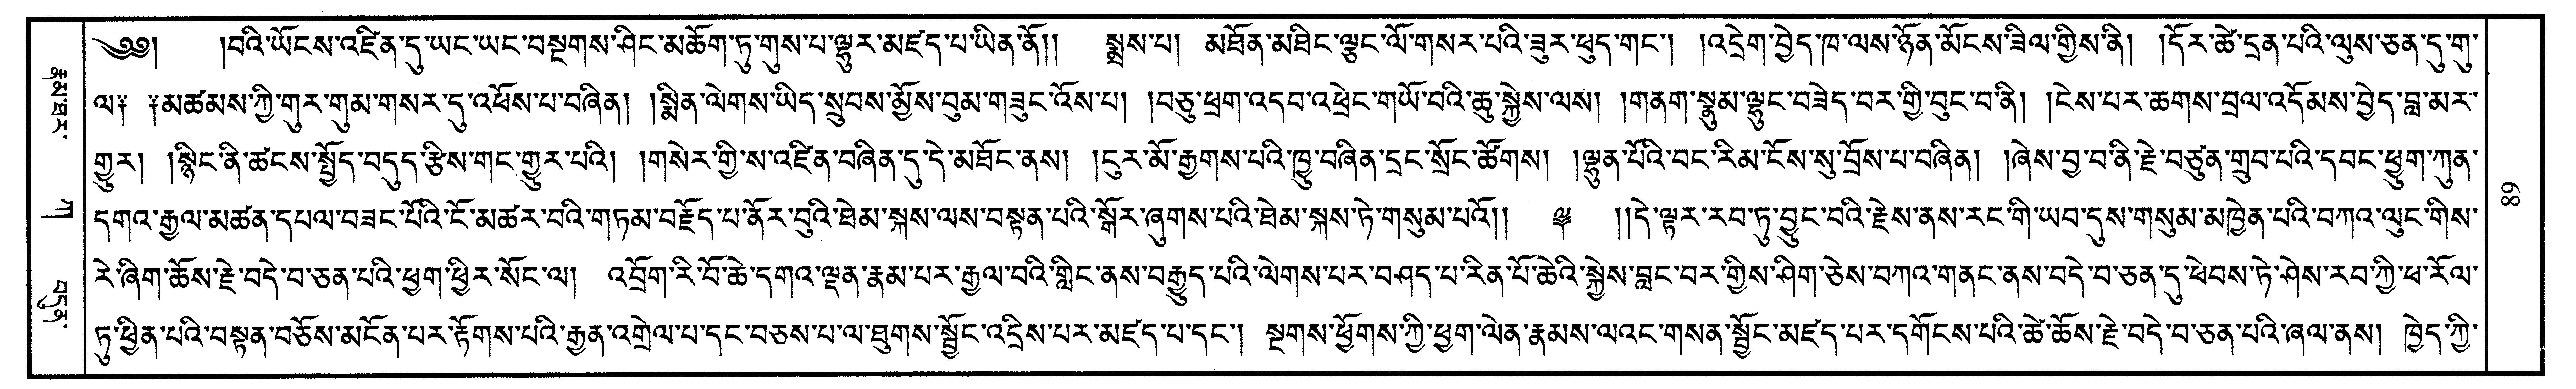༄༅། །བའི་ཡོངས་འཛིན་དུ་ཡང་ཡང་བསྔགས་ཤིང་མཆོག་ཏུ་གུས་པ་ལྷུར་མཛད་པ་ཡིན་ནོ།། སྨྲས་པ། མཐོན་མཐིང་ལྕང་ལོ་གསར་པའི་ཟུར་ཕུད་གང་། །འདྲེག་བྱེད་ཁ་ལས་ཉོན་མོངས་ཟིལ་གྱིས་ནི། །དོར་ཚེ་དྲན་པའི་ལུས་ཅན་དུ་གུ་
ལ༑ ༑མཚམས་ཀྱི་གུར་གུམ་གསར་དུ་འཕོས་པ་བཞིན། །སྨིན་ལེགས་ཡིད་སྲུབས་མྱོས་བུམ་གཟུང་འོས་པ། །བཅུ་ཕྲག་འདབ་འཕྲེང་གཡོ་བའི་ཆུ་སྐྱེས་ལས། །གནག་སྣུམ་ལྷུང་བཟེད་བར་གྱི་བུང་བ་ནི། །ངེས་པར་ཆགས་བྲལ་འདོམས་བྱེད་བླ་མར་
གྱུར། །སྙིང་ནི་ཚངས་སྤྱོད་བདུད་རྩིས་གང་གྱུར་པའི། །གསེར་གྱི་ས་འཛིན་བཞིན་དུ་དེ་མཐོང་ནས། །ངུར་མོ་རྒྱགས་པའི་ཁྱུ་བཞིན་དྲང་སྲོང་ཚོགས། །ལྷུན་པོའི་བང་རིམ་ངོས་སུ་བྲོས་པ་བཞིན། །ཞེས་བྱ་བ་ནི་རྗེ་བཙུན་གྲུབ་པའི་དབང་ཕྱུག་ཀུན་
དགའ་རྒྱལ་མཚན་དཔལ་བཟང་པོའི་ངོ་མཚར་བའི་གཏམ་བརྗོད་པ་ནོར་བུའི་ཐེམ་སྐས་ལས་བསྟན་པའི་སྒོར་ཞུགས་པའི་ཐེམ་སྐས་ཏེ་གསུམ་པའོ།། ༈ །།དེ་ལྟར་རབ་ཏུ་བྱུང་བའི་རྗེས་ནས་རང་གི་ཡབ་དུས་གསུམ་མཁྱེན་པའི་བཀའ་ལུང་གིས་
རེ་ཞིག་ཆོས་རྗེ་བདེ་བ་ཅན་པའི་ཕྱག་ཕྱིར་སོང་ལ། འབྲོག་རི་བོ་ཆེ་དགའ་ལྡན་རྣམ་པར་རྒྱལ་བའི་གླིང་ནས་བརྒྱུད་པའི་ལེགས་པར་བཤད་པ་རིན་པོ་ཆེའི་སྐྱེས་བླང་བར་གྱིས་ཤིག་ཅེས་བཀའ་གནང་ནས་བདེ་བ་ཅན་དུ་ཕེབས་ཏེ་ཤེས་རབ་ཀྱི་ཕ་རོལ་
ཏུ་ཕྱིན་པའི་བསྟན་བཅོས་མངོན་པར་རྟོགས་པའི་རྒྱན་འགྲེལ་པ་དང་བཅས་པ་ལ་ཐུགས་སྦྱོང་འདྲིས་པར་མཛད་པ་དང་། སྔགས་ཕྱོགས་ཀྱི་ཕྱག་ལེན་རྣམས་ལའང་གསན་སྦྱོང་མཛད་པར་དགོངས་པའི་ཚེ་ཆོས་རྗེ་བདེ་བ་ཅན་པའི་ཞལ་ནས། ཁྱེད་ཀྱི་